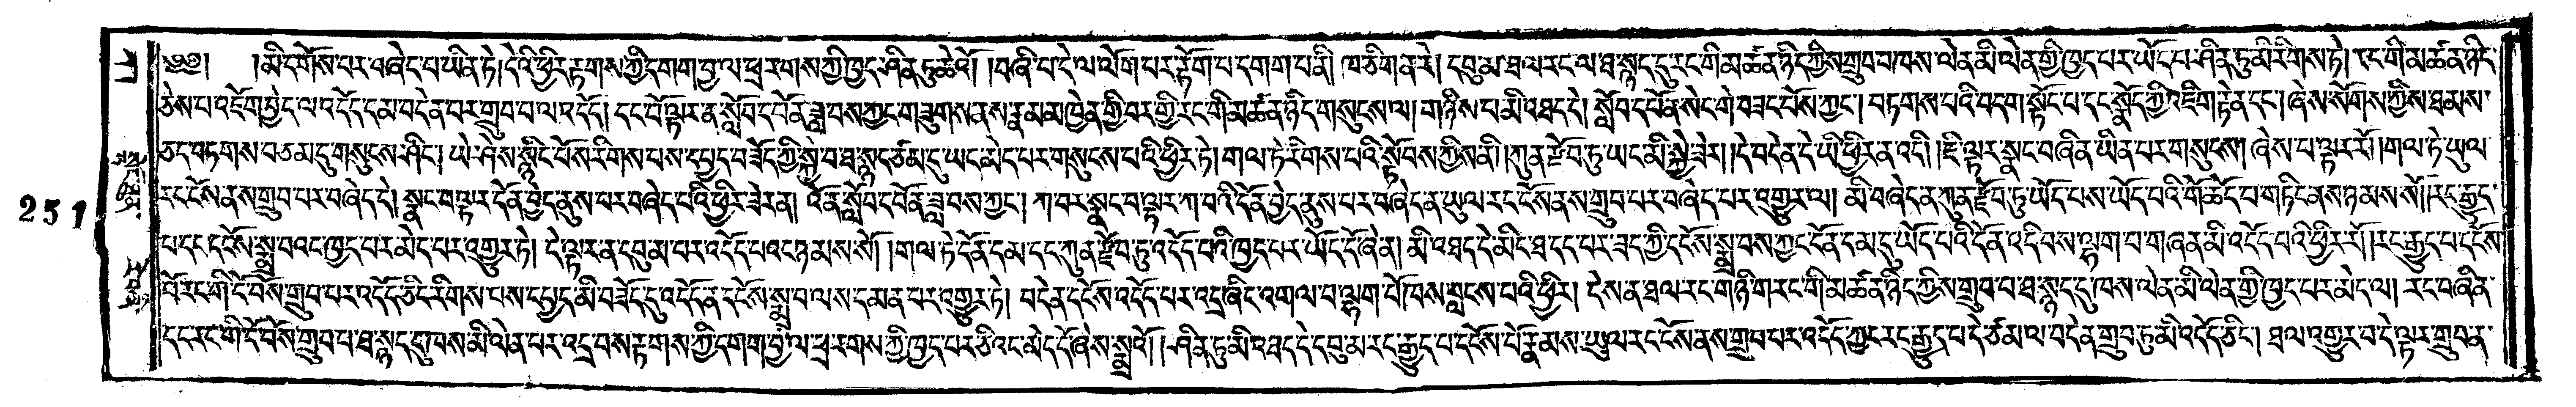༄༅། །མི་དགོས་པར་བཞེད་པ་ཡིན་ཏེ། དེའི་ཕྱིར་རྟགས་ཀྱི་དགག་བྱ་ལ་ཕྲ་རགས་ཀྱི་ཁྱད་ཤིན་ཏུ་ཆེའོ། །བཞི་པ་དེ་ལ་ལོག་པར་རྟོག་པ་དགག་པ་ནི། ཁ་ཅིག་ན་རེ། དབུ་མཐལ་རང་ལ་ཐ་སྙད་དུ་རང་གི་མཚན་ཉིད་ཀྱིས་གྲུབ་བ་ཁས་ལེན་མི་ལེན་གྱི་ཁྱད་པར་ཡོད་པ་ཤིན་ཏུ་མི་རིགས་ཏེ། རང་གི་མཚན་ཉིད་
ཅེས་པ་འཇོག་བྱེད་ལ་འདོད་དམ་བདེན་པར་གྲུབ་པ་ལ་འདོད། དང་པོ་ལྟར་ན་སློབ་དཔོན་ཟླ་བས་ཀྱང་གཟུགས་ནས་རྣམ་མཁྱེན་གྱི་བར་གྱི་རང་གི་མཚན་ཉིད་གསུངས་ལ། གཉིས་པ་མི་འཐད་དེ། སློབ་དཔོན་སེང་གེ་བཟང་པོས་ཀྱང་། བཏགས་པའི་བདག་སྟོང་པ་དང་སྣོད་ཀྱི་འཇིག་རྟེན་དང་། ཞེས་སོགས་ཀྱིས་ཐམས་
ཅད་བཏགས་བཅམ་དུ་གསུངས་ཤིང་། ཡེ་ཤེས་སྙིང་པོས་རིགས་པས་དཔྱད་བཟོད་ཀྱི་སྐྱེ་བ་ཐ་སྙད་ཙམ་དུ་ཡང་མེད་པར་གསུངས་པའི་ཕྱིར་ཏེ། གལ་ཏེ་རིགས་པའི་སྟོབས་ཀྱིས་ནི། ཀུན་རྟོབ་ཏུ་ཡང་མི་སྐྱེ་ཟེར། །དེ་བདེན་དེ་ཡི་ཕྱིར་ན་འདི། །ཇི་ལྟར་སྣང་བཞིན་ཡིན་པར་གསུངས། ཞེས་པ་ལྟར་རོ། །གལ་ཏེ་ཡུལ་
རང་ངོས་ནས་གྲུབ་པར་བཞེད་དེ། སྣང་བ་ལྟར་དོན་བྱེད་ནུས་པར་བཞེད་པའི་ཕྱིར་ཟེར་ན། འོ་ན་སློབ་དཔོན་ཟླ་བས་ཀྱང་། ཀ་བར་སྣང་བ་ལྟར་ཀ་བའི་དོན་བྱེད་ནུས་པར་བཞེད་ན་ཡུལ་རང་ངོས་ནས་གྲུབ་པར་བཞེད་པར་འགྱུར་ལ། མི་བཞེད་ན་ཀུན་རྫོབ་ཏུ་ཡོད་པས་ཡོད་པའི་གོ་ཆོད་པ་གཏིང་ནས་ཉམས་སོ། །རང་རྒྱུད་
པ་དང་དངོས་སྨྲ་བའང་ཁྱད་པར་མེད་པར་འགྱུར་ཏེ། དེ་ལྟར་ན་དབུ་མ་པར་འདོད་པའང་ཉམས་སོ། །གལ་ཏེ་དོན་དམ་དང་ཀུན་རྫོབ་ཏུ་འདོད་པའི་ཁྱད་པར་ཡོད་དོ་ཞེ་ན། མི་འཐད་དེ་མིང་ཐ་དད་པར་ཟད་ཀྱི་དངོས་སྨྲ་བ་སྐྱང་དོན་དམ་དུ་ཡོད་པའི་དོན་འདི་བས་ལྷག་བ་གཞན་མི་འདོད་བའི་ཕྱིར་རོ། །རང་རྒྱུད་པ་དངོས་
པོ་རང་གི་ངོ་བོས་གྲུབ་པར་འདོད་ཅིང་རིགས་པས་དཔྱད་མི་བཟོད་དུ་འདོད་ན་དངོས་སྨྲ་བ་ལས་དམན་པར་འགྱུར་ཏེ། བདེན་དངོས་འདོད་པར་འདྲ་ཞིང་འགལ་བ་ལྷག་པོ་ཁས་བླངས་པའི་ཕྱིར། དེས་ན་ཐལ་རང་གཉི་ག་རང་གི་མཚན་ཉིད་ཀྱིས་གྲུབ་པ་ཐ་སྙད་དུ་ཁས་ལེན་མི་ལེན་གྱི་ཁྱད་པར་མེད་ལ། རང་བཞིན་
དང་རང་གི་ངོ་བོས་གྲུབ་པ་ཐ་སྙད་དུ་ཁས་མི་ལེན་པར་འདྲ་བས་རྟགས་ཀྱི་དགག་བྱ་ལ་ཕྲ་རགས་ཀྱི་ཁྱད་པར་ཅིའང་མེད་དོ་ཞེས་སྨྲའོ། །ཤིན་ཏུ་མི་འཐད་དེ་དབུ་མ་རང་རྒྱུད་བ་དངོས་པོ་རྣམས་ཡུལ་རང་ངོས་ནས་གྲུབ་པར་འདོད་ཀྱང་རང་རྒྱུད་བདེ་ཙམ་ལ་བདེན་གྲུབ་ཏུ་མི་འདོད་ཅིང་། ཐལ་འགྱུར་བ་དེ་ལྟར་གྲུབ་ན་